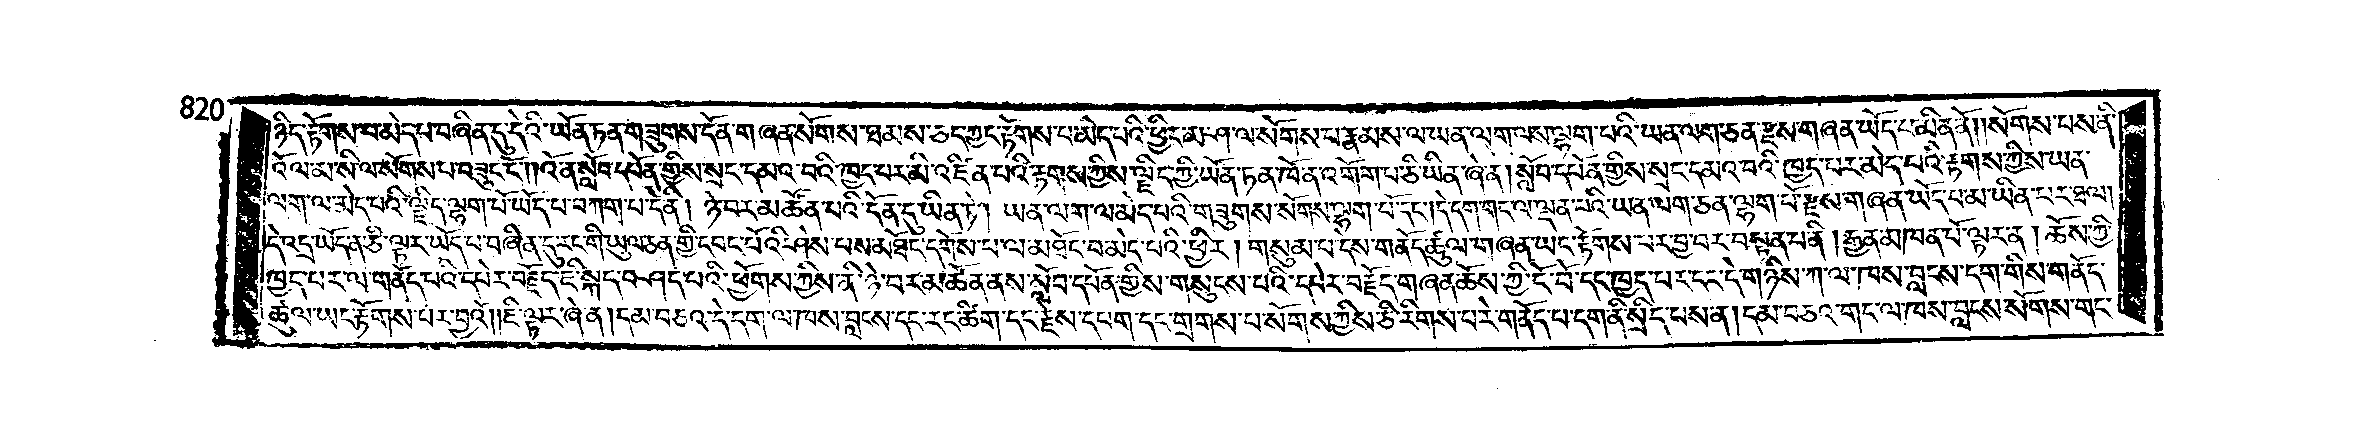ཉིད་རྟོགས་པ་མེད་པ་བཞིན་དུ་དེའི་ཡོན་ཏན་གཟུགས་དོན་གཞན་སོགས་ཐམས་ཅད་ཀྱང་རྟོགས་པ་མེད་པའི་ཕྱིར་མ་ཤ་ལ་སོགས་པ་རྣམས་ལ་ཡན་ལག་ལས་ལྷག་པའི་ཡན་ལག་ཅན་རྫས་གཞན་ཡོད་པ་མིན་ནོ། །སོགས་པས་ནི་
འོལ་མ་སི་ལ་སོགས་པ་བཟུང་ངོ། །འོ་ན་སློབ་དཔོན་གྱིས་སྲང་དམའ་བའི་ཁྱད་པར་མི་འཛིན་པའི་རྟགས་ཀྱིས་ལྗིད་ཀྱི་ཡོན་ཏན་ཁོ་ན་འགོག་པ་ཅི་ཡིན་ཞེ་ན། སློབ་དཔོན་གྱིས་སྲང་དམའ་བའི་ཁྱད་པར་མེད་པའི་རྟགས་ཀྱིས་ཡན་
ལག་ལ་མེད་པའི་ལྗིད་ལྷག་པོ་ཡོད་པ་བཀག་པ་དེ་ནི། ཉེ་བར་མཚོན་པའི་དོན་དུ་ཡིན་ཏེ། ཡན་ལག་ལ་མེད་པའི་གཟུགས་སོགས་ལྷག་པོ་དང་། དེ་དག་གང་ལ་ལྡན་པའི་ཡན་ལག་ཅན་ལྷག་པོ་རྫས་གཞན་ཡོད་པ་མ་ཡིན་པར་ཐལ།
དེ་འདྲ་ཡོད་ན་ཅི་ལྟར་ཡོད་པ་བཞིན་དུ་རང་གི་ཡུལ་ཅན་གྱི་དབང་པོའི་ཤེས་པས་མཐོང་དགོས་པ་ལ་མཐོང་བ་མེད་པའི་ཕྱིར། གསུམ་པ་དེས་གནོད་ཚུལ་གཞན་ཡང་རྟོགས་པར་བྱ་བར་བསྟན་པ་ནི། རྒྱན་མཁན་པོ་ལྟར་ན། ཆོས་ཀྱི་
ཁྱད་པར་ལ་གནོད་པའི་དཔེར་བརྗོད་ཇི་སྐད་བཤད་པའི་ཕྱོགས་ཀྱིས་ནི་ཉེ་བར་མཚོན་ནས་སློབ་དཔོན་གྱིས་གསུངས་པའི་དཔེར་བརྗོད་གཞན་ཆོས་ཀྱི་ངོ་བོ་དང་ཁྱད་པར་དང་དེ་གཉིས་ཀ་ལ་ཁས་བླངས་དག་གིས་གནོད་
ཚུལ་ཡང་རྟོགས་པར་བྱའོ། །ཇི་ལྟར་ཞེ་ན། དམ་བཅའ་དེ་དག་ལ་ཁས་བླངས་དང་རང་ཚིག་དང་རྗེས་དཔག་དང་གྲགས་པ་སོགས་ཀྱིས་ཅི་རིགས་པ་རེ་གནོད་པ་དག་ནི་སྲིད་པས་ན། དམ་བཅའ་གང་ལ་ཁས་བླངས་སོགས་གང་